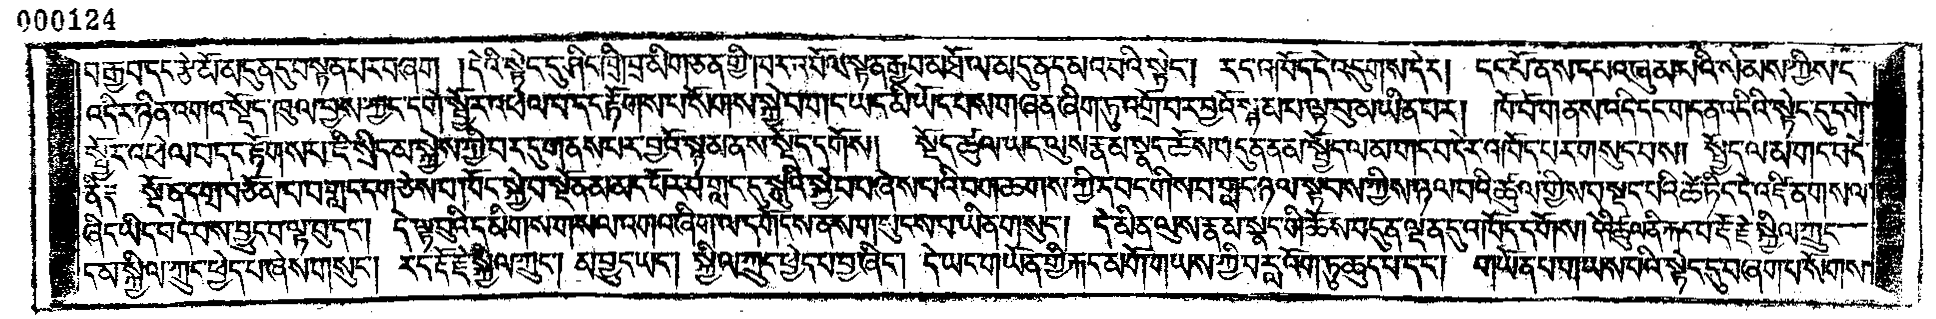བ་རྒྱབ་དང་རྩེ་མོ་མདུན་དུ་བསྟན་པར་བཞག །དེའི་སྟེང་དུ་ཤིང་ཁྲི་ཁྲ་མིག་ཅན་གྱི་ཁར་འབོལ་སྟན་རྒྱབ་མཐོ་ལ་མདུན་དམའ་བའི་སྟེང་། རང་འཁོད་དེ་འདུགས་དེར། དང་པོ་ནས་དཔའ་ཞུམ་པའི་སེམས་ཀྱིས་ང་
འདིར་ཉིན་འགའ་སྡོད་ཁུལ་བྱས་ཀྱང་དགེ་སྦྱོར་འཕེལ་བ་དང་རྟོགས་པ་སོགས་སྐྱེ་བ་གང་ཡང་མི་ཡོང་པས་གཞན་ཞིག་ཏུ་འགྲོ་བར་བྱའོ་སྙམ་པ་ལྟ་བུ་མ་ཡིན་པར། ཁོ་བོ་གནས་འདི་དང་གདན་འདིའི་སྟེང་དུ་དགེ་
སྦྱོར་འཕེལ་བ་དང་རྟོགས་པ་ཇི་སྲིད་མ་སྐྱེས་ཀྱི་བར་དུ་གནས་པར་བྱའོ་སྙམ་ནས་སྡོད་དགོས། སྡོད་ཚུལ་ཡང་ལུས་རྣམ་སྣང་ཆོས་བདུན་ནམ་སྤྱོད་ལམ་གང་བ་དེར་འཁོད་པར་གསུང་བས། སྤྱོད་ལམ་གང་བདེ་
ནི༑ སྔོན་དགྲ་བཅོམ་པ་བ་གླང་དག་ཅེས་པ་ཁོང་སྐྱེ་བ་སྔོན་མ་མང་པོར་བ་གླང་དུ་སྐུའི་སྐྱེ་བ་བཞེས་པའི་བག་ཆགས་ཀྱི་དབང་གིས་བ་གླང་ཉལ་སྟབས་ཀྱིས་ཉལ་བའི་ཚུལ་གྱིས་བསྡད་པའི་ཚེ་ཏིང་དེ་འཛིན་གསལ་
ཞིང་ཡིད་བདེ་བས་བྱུང་བ་ལྟ་བུ་དང་། དེ་ལྟ་བུའི་དམིགས་གསལ་འགའ་ཞིག་ལ་དགོངས་ནས་གསུངས་པ་ཡིན་གསུང་། དེ་མིན་ལུས་རྣམ་སྣང་གི་ཆོས་བདུན་ལྡན་དུ་འཁོད་དགོས། དེའི་ཚུལ་ནི་རྐང་པ་རྡོ་རྗེ་སྐྱིལ་ཀྲུང་
དམ་སྐྱིལ་ཀྲུང་ཕྱེད་པ་ཞེས་གསུང་། རང་རྡོ་རྗེ་སྐྱིལ་ཀྲུང་། མ་བྱུང་ཡང་། སྐྱིལ་ཀྲུང་ཕྱེད་པ་བྱ་ཞིང་། དེ་ཡང་གཡོན་གྱི་རྐང་མགོ་གཡས་ཀྱི་བརླ་འོག་ཏུ་ཆུད་པ་དང་། གཡོན་པ་གཡས་པའི་སྟེང་དུ་བཞག་པ་སོགས་